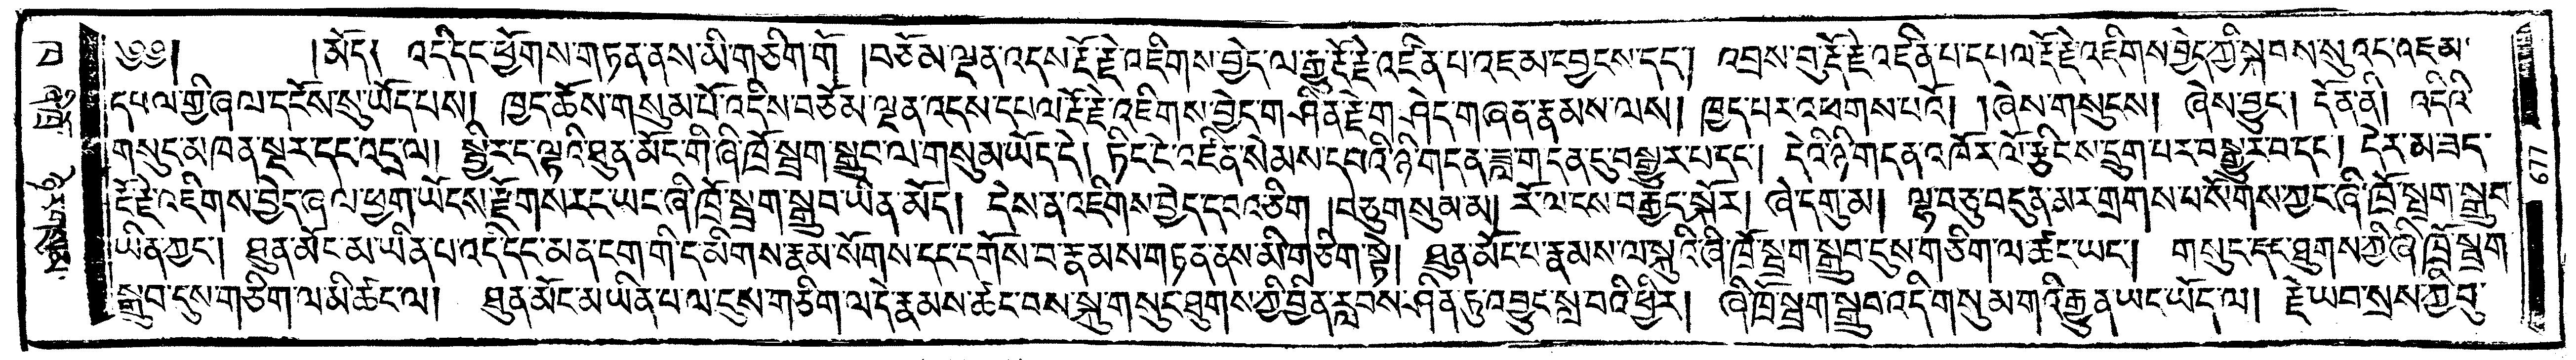༄༅། །མོད༑ འདི་དང་ཕྱོགས་གཏན་ནས་མི་གཅིག་གོ །བཅོམ་ལྡན་འདས་རྡོ་རྗེ་འཇིགས་བྱེད་ལ་རྒྱུ་རྡོ་རྗེ་འཛིན་པ་འཇམ་དབྱངས་དང་། འབྲས་བུ་རྡོ་རྗེ་འཛིན་པ་དཔལ་རྡོ་རྗེ་འཇིགས་བྱེད་ཀྱི་སྐབས་སུའང་འཇམ་
དཔལ་གྱི་ཞལ་དངོས་སུ་ཡོད་པས། ཁྱད་ཆོས་གསུམ་པོ་འདིས་བཅོམ་ལྡན་འདས་དཔལ་རྡོ་རྗེ་འཇིགས་བྱེད་གཤིན་རྗེ་གཤེད་གཞན་རྣམས་ལས། ཁྱད་པར་འཕགས་པའོ། །ཞེས་གསུངས། ཞེས་བྱུང་། དོན་ནི། འདིའི་
གསུང་མཁན་སྔར་དང་འདྲ་ལ། སྤྱིར་ད་ལྟའི་ཐུན་མོང་གི་ཞི་ཁྲོ་སྦྲག་སྒྲུབ་ལ་གསུམ་ཡོད་དེ། ཏིང་ངེ་འཛིན་སེམས་དཔའི་ཉི་གདན་ཟླ་གདན་དུ་བསྒྱུར་པ་དང་། དེའི་ཉི་གདན་འཁོར་ལོ་རྩིབས་དྲུག་པར་བསྒྱུར་བ་དང་། དེར་མ་ཟད་
རྡོ་རྗེ་འཇིགས་བྱེད་ཞལ་ཕྱག་ཡོངས་རྫོགས་རང་ཡང་ཞི་ཁྲོ་སྦྲག་སྒྲུབ་ཡིན་མོད། དེས་ན་འཇིགས་བྱེད་དཔའ་ཅིག །བཅུ་གསུམ་མ། རོ་ལངས་བརྒྱད་སྐོར། ཞེ་དགུ་མ། ལྷ་བཅུ་བདུན་མར་གྲགས་པ་སོགས་ཀྱང་ཞི་ཁྲོ་སྦྲག་སྒྲུབ་
ཡིན་ཀྱང་། ཐུན་མོང་མ་ཡིན་པ་འདི་དང་མན་ངག་གི་དམིགས་རྣམ་སོགས་དང་དགོས་པ་རྣམས་གཏན་ནས་མི་གཅིག་སྟེ། ཐུན་མོང་པ་རྣམས་ལ་སྐུའི་ཞི་ཁྲོ་སྦྲག་སྒྲུབ་དུས་གཅིག་ལ་ཚང་ཡང་། གསུང་དང་ཐུགས་ཀྱི་ཞི་ཁྲོ་སྦྲག་
སྒྲུབ་དུས་གཅིག་ལ་མི་ཚང་ལ། ཐུན་མོང་མ་ཡིན་པ་ལ་དུས་གཅིག་ལ་དེ་རྣམས་ཚང་བས་སྐུ་གསུང་ཐུགས་ཀྱི་བྱིན་རླབས་ཤིན་ཏུ་འབྱུང་སླ་བའི་ཕྱིར། ཞི་ཁྲོ་སྦྲག་སྒྲུབ་འདི་གསུམ་གའི་རྒྱུན་ཡང་ཡོད་ལ། རྗེ་ཡབ་སྲས་ཀྱི་བུ་